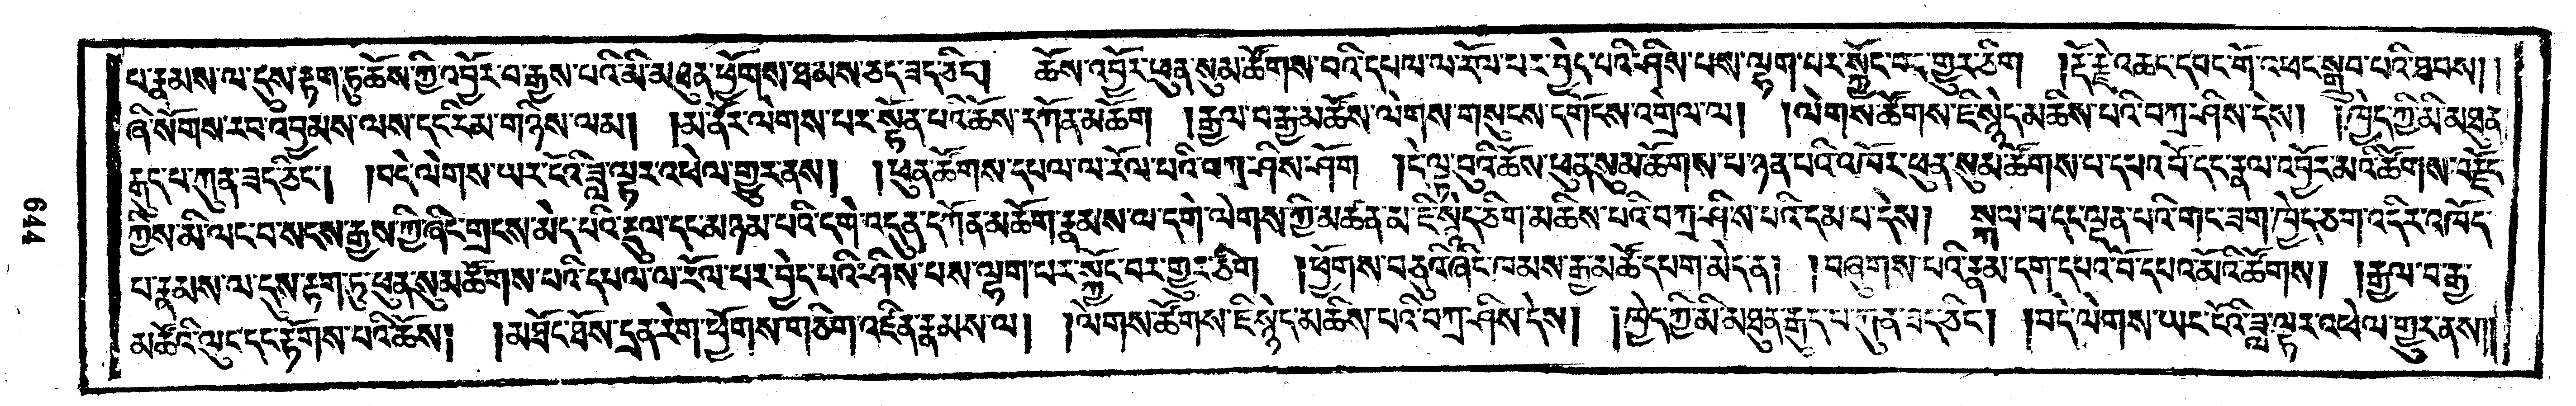པ་རྣམས་ལ་དུས་རྟག་ཏུ་ཆོས་ཀྱི་འབྱོར་བ་རྒྱས་པའི་མི་མཐུན་ཕྱོགས་ཐམས་ཅད་ཟད་ཅིང་། ཆོས་འབྱོར་ཕུན་སུམ་ཚོགས་བའི་དཔལ་ལ་རོལ་པར་བྱེད་པའི་ཤིས་པས་ལྷག་པར་སྐྱོང་བར་གྱུར་ཅིག །རྡོ་རྗེ་འཆང་དབང་གོ་འཕང་སྒྲུབ་པའི་ཐབས། །
ཞི་སོགས་རབ་འབྱམས་ལས་དང་རིམ་གཉིས་ལམ། །མ་ནོར་ལེགས་པར་སྟོན་པའི་ཆོས་དཀོན་མཆོག །རྒྱལ་བརྒྱ་མཚོས་ལེགས་གསུངས་དགོངས་འགྲེལ་ལ། །ལེགས་ཚོགས་ཇི་སྙེད་མཆིས་པའི་བཀྲ་ཤིས་དེས། །ཁྱེད་ཀྱི་མི་མཐུན་
རྒུད་པ་ཀུན་ཟད་ཅིང་། །བདེ་ལེགས་ཡར་ངོའི་ཟླ་ལྟར་འཕེལ་གྱུར་ནས། །ཕུན་ཚོགས་དཔལ་ལ་རོལ་པའི་བཀྲ་ཤིས་ཤོག །དེ་ལྟ་བུའི་ཆོས་ཕུན་སུམ་ཆོགས་པ་ཉན་པའི་འཁོར་ཕུན་སུམ་ཚོགས་པ་དཔའ་བོ་དང་རྣལ་འབྱོར་མའི་ཚོགས་བརྗོད་
ཀྱིས་མི་ལང་བ་སངས་རྒྱས་ཀྱི་ཞིང་གྲངས་མེད་པའི་རྡུལ་དང་མཉམ་པའི་དགེ་འདུན་དཀོན་མཆོག་རྣམས་ལ་དགེ་ལེགས་ཀྱི་མཚན་མ་ཇི་སྙེད་ཅིག་མཆིས་པའི་བཀྲ་ཤིས་པའི་དམ་པ་དེས། སྐལ་བ་དང་ལྡན་པའི་གང་ཟག་ཁྱེད་ཅག་འདིར་འཁོད་
པ་རྣམས་ལ་དུས་རྟག་ཏུ་ཕུན་སུམ་ཚོགས་པའི་དཔལ་ལ་རོལ་པར་བྱེད་པའི་ཤིས་པས་ལྷག་པར་སྐྱོང་བར་གྱུར་ཅིག །ཕྱོགས་བཅུའི་ཞིང་ཁམས་རྒྱ་མཚོ་དཔག་མེད་ན། །བཞུགས་པའི་རྣམ་དག་དཔའ་བོ་དཔའ་མོའི་ཚོགས། །རྒྱལ་བ་རྒྱ་
མཚོའི་ལུང་དང་རྟོགས་པའི་ཆོས། །མཐོང་ཐོས་དྲན་རེག་ཕྱོགས་གཅིག་འཛིན་རྣམས་ལ། །ལེགས་ཚོགས་ཇི་སྙེད་མཆིས་པའི་བཀྲ་ཤིས་དེས། །ཁྱེད་ཀྱི་མི་མཐུན་རྒྱུད་པ་ཀུན་ཟད་ཅིང་། །བདེ་ལེགས་ཡང་ངོའི་ཟླ་ལྟར་འཕེལ་གྱུར་ནས། །